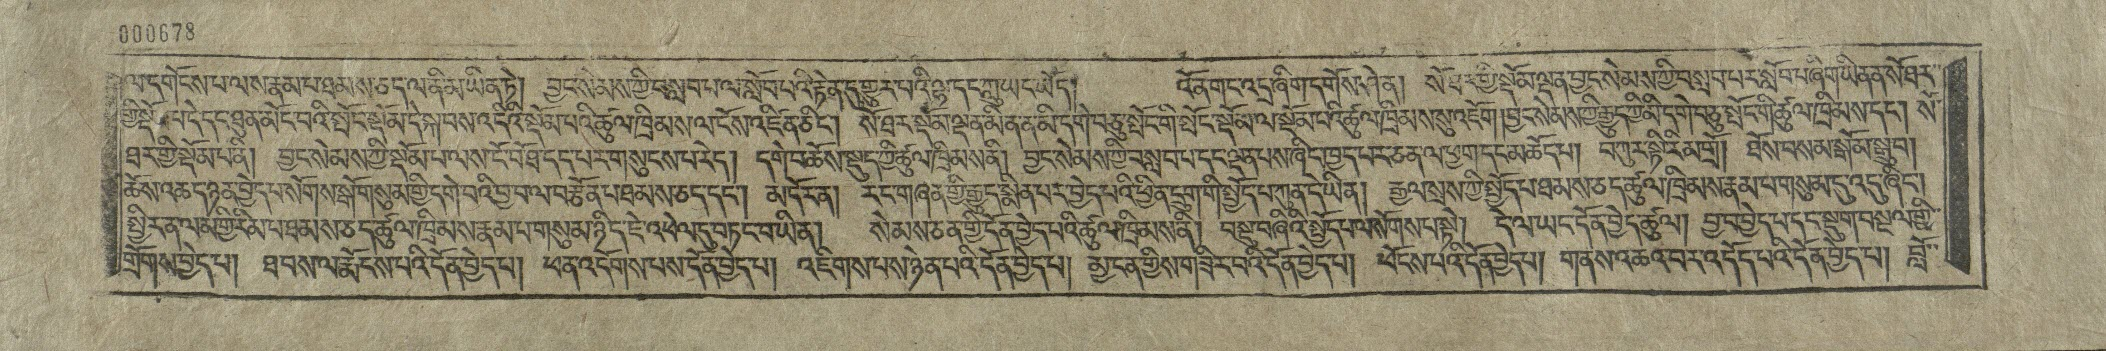ལ་དགོངས་པ་ལས་རྣམ་པ་ཐམས་ཅད་ལ་ནི་མ་ཡིན་ཏེ། བྱང་སེམས་ཀྱི་བསླབ་པ་ལ་སློབ་པའི་རྟེན་དུ་གྱུར་པའི་ལྷ་དང་ཀླུ་ཡང་ཡོད། འོ་ན་གང་འདྲ་ཞིག་དགོས་ཤེ་ན། སོ་ཐར་གྱི་སྡོམ་ལྡན་བྱང་སེམས་ཀྱི་བསླབ་པར་སློབ་པ་ཞིག་ཡིན་ན་སོ་ཐར་
གྱི་སྡོམ་པ་དེ་དང་ཐུན་མོང་བའི་སྤོང་སྡོམ་དེ་སྐབས་འདིའི་སྡོམ་པའི་ཚུལ་ཁྲིམས་ལ་ངོས་འཛིན་ཅིང་། སོ་ཐར་སྡོམ་ལྡན་མིན་ན་མི་དགེ་བཅུ་སྤོང་གི་སྤོང་སྡོམ་ལ་སྡོམ་པའི་ཚུལ་ཁྲིམས་སུ་འཇོག །བྱང་སེམས་ཀྱི་རྒྱུད་ཀྱི་མི་དགེ་བཅུ་སྤོང་གི་ཚུལ་ཁྲིམས་དང་། སོ་
ཐར་གྱི་སྡོམ་པ་ནི། བྱང་སེམས་ཀྱི་སྡོམ་པ་ལས་ངོ་བོ་ཐ་དད་པར་གསུངས་པ་རེད། དགེ་བ་ཆོས་སྡུད་ཀྱི་ཚུལ་ཁྲིམས་ནི། བྱང་སེམས་ཀྱི་བསླབ་པ་དང་ལྡན་པས་ཞིང་ཁྱད་པར་ཅན་ལ་ཕྱག་དང་མཆོད་པ། བཀུར་སྟི་རིམ་གྲོ། ཐོས་བསམ་སྒོམ་སྒྲུབ།
ཆོས་འཆད་ཉན་བྱེད་པ་སོགས་སྒོ་གསུམ་གྱི་དགེ་བའི་བྱ་བ་ལ་བརྩོན་པ་ཐམས་ཅད་དང་། མདོར་ན། རང་གཞན་གྱི་རྒྱུད་སྨིན་པར་བྱེད་པའི་ཕྱིན་དྲུག་གི་སྤྱོད་པ་ཀུན་དེ་ཡིན། རྒྱལ་སྲས་ཀྱི་སྤྱོད་པ་ཐམས་ཅད་ཚུལ་ཁྲིམས་རྣམ་པ་གསུམ་དུ་འདུ་ཞིང་།
སྤྱིར་ན་ལམ་གྱི་རིམ་པ་ཐམས་ཅད་ཚུལ་ཁྲིམས་རྣམ་པ་གསུམ་ཉིད་ཇེ་འཕེལ་དུ་བཏང་བ་ཡིན། སེམས་ཅན་གྱི་དོན་བྱེད་པའི་ཚུལ་ཁྲིམས་ནི། བསྡུ་བཞིའི་སྤྱོད་པ་ལ་སོགས་པ་སྟེ། དེ་ལ་ཡང་དོན་བྱེད་ཚུལ། བྱ་བ་བྱེད་པ་དང་སྡུག་བསྔལ་གྱི་
གྲོགས་བྱེད་པ། ཐབས་ལ་རྨོངས་པའི་དོན་བྱེད་པ། ཕན་འདོགས་པས་དོན་བྱེད་པ། འཇིགས་པས་ཉེན་པའི་དོན་བྱེད་པ། མྱ་ངན་གྱིས་གཟིར་བའི་དོན་བྱེད་པ། ཕོངས་པའི་དོན་བྱེད་པ། གནས་འཆའ་བར་འདོད་པའི་དོན་བྱེད་པ། བློ་